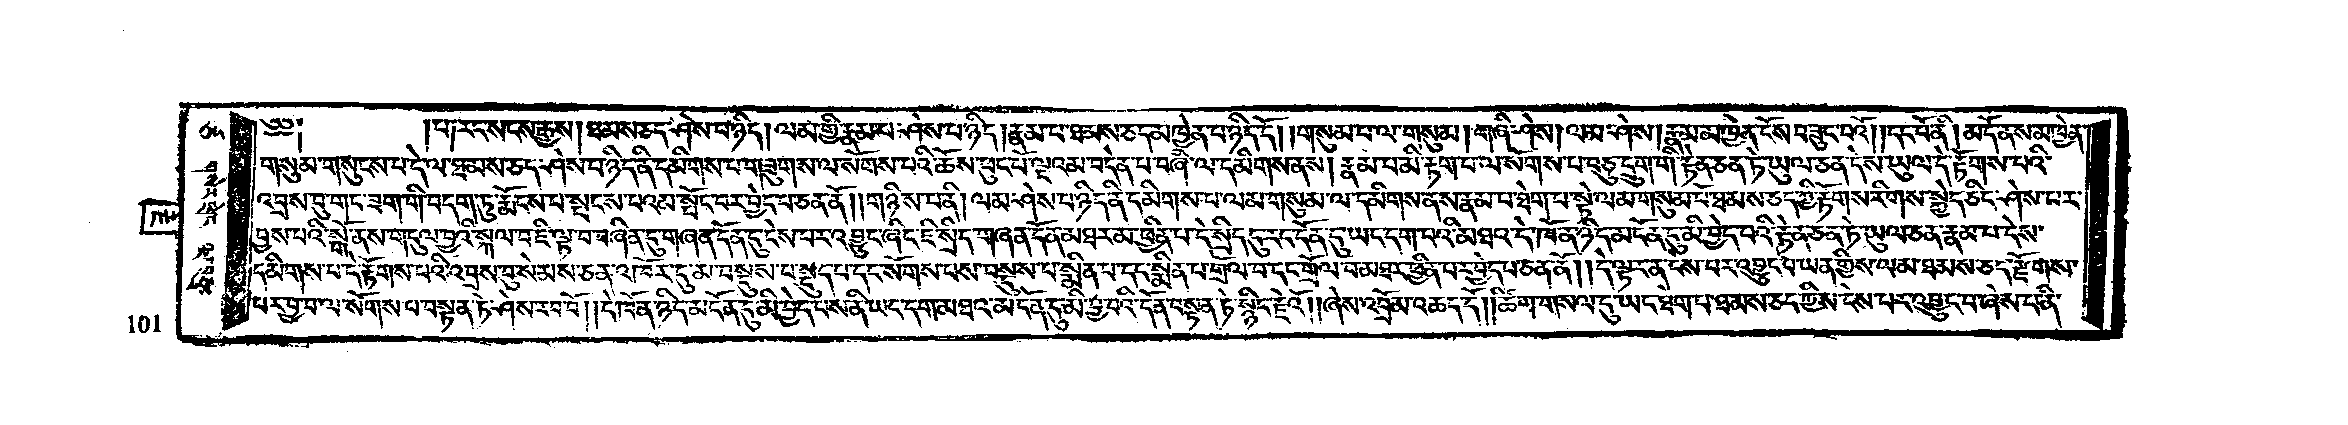༄༅། །པ། རང་སངས་རྒྱས། ཐམས་ཅད་ཤེས་པ་ཉིད། ལམ་གྱི་རྣམ་པ་ཤེས་པ་ཉིད། རྣམ་པ་ཐམས་ཅད་མཁྱེན་པ་ཉིད་དོ། །གསུམ་པ་ལ་གསུམ། གཞི་ཤེས། ལམ་ཤེས། རྣམ་མཁྱེན་ངོས་བཟུང་བའོ། །དང་པོ་ནི། མདོ་ནས་མཁྱེན་
གསུམ་གསུངས་པ་དེ་ལ་ཐམས་ཅད་ཤེས་པ་ཉིད་ནི་དམིགས་པ་གཟུགས་ལ་སོགས་པའི་ཆོས་ཕུང་པོ་ལྔའམ་བདེན་པ་བཞི་ལ་དམིགས་ནས། རྣམ་པ་མི་རྟག་པ་ལ་སོགས་པ་བཅུ་དྲུག་གི་རྟེན་ཅན་ཏེ་ཡུལ་ཅན་དེས་ཡུལ་དེ་རྟོགས་པའི་
འབྲས་བུ་གང་ཟག་གི་བདག་ཏུ་རྨོངས་པ་སྤངས་པའམ་སྤོང་བར་བྱེད་པ་ཅན་ནོ། །གཉིས་པ་ནི། ལམ་ཤེས་པ་ཉིད་ནི་དམིགས་པ་ལམ་གསུམ་ལ་དམིགས་ནས་རྣམ་པ་ཐེག་པ་སྟེ་ལམ་གསུམ་པོ་ཐམས་ཅད་ཀྱི་རྟོགས་རིགས་སྐྱེད་ཅིང་ཤེས་པར་
བྱས་པའི་སྒོ་ནས་གདུལ་བྱའི་སྐལ་བ་ཇི་ལྟ་བ་བཞིན་དུ་གཞན་དོན་དུ་ངེས་པར་འབྱུང་ཞིང་ཇི་སྲིད་གཞན་དོན་མཐར་མ་ཕྱིན་པ་དེ་སྲིད་དུ་རང་དོན་དུ་ཡང་དག་པའི་མཐའ་དེ་ཁོ་ན་ཉིད་མངོན་དུ་མི་བྱེད་པའི་རྟེན་ཅན་ཏེ་ཡུལ་ཅན་རྣམ་པ་དེས་
དམིགས་པ་དེ་རྟོགས་པའི་འབྲས་བུ་སེམས་ཅན་འཁོར་དུ་མ་བསྡུས་པ་སྡུད་པ་དང་སོགས་པས་བསྡུས་པ་སྨིན་པ་དང་སྨིན་པ་གྲོལ་བ་དང་གྲོལ་བ་མཐར་ཕྱིན་པར་བྱེད་པ་ཅན་ནོ། །དེ་ལྟར་ན་ངེས་པར་འབྱུང་བ་ཡན་གྱིས་ལམ་ཐམས་ཅད་རྫོགས་
པར་བྱ་བ་ལ་སོགས་པ་བསྟན་ཏེ་ཤེས་རབ་བོ། །དེ་ཁོ་ན་ཉིད་མངོན་དུ་མི་བྱེད་པས་ནི་ཡང་དག་མཐའ་མངོན་དུ་མི་བྱ་བའི་དོན་བསྟན་ཏེ་སྙིང་རྗེའོ། །ཞེས་འབྲོམ་འཆད་དོ། །ཚིག་གསལ་དུ་ཡང་ཐེག་པ་ཐམས་ཅད་ཀྱིས་ངེས་པར་འབྱུང་བ་ཞེས་པ་ནི་